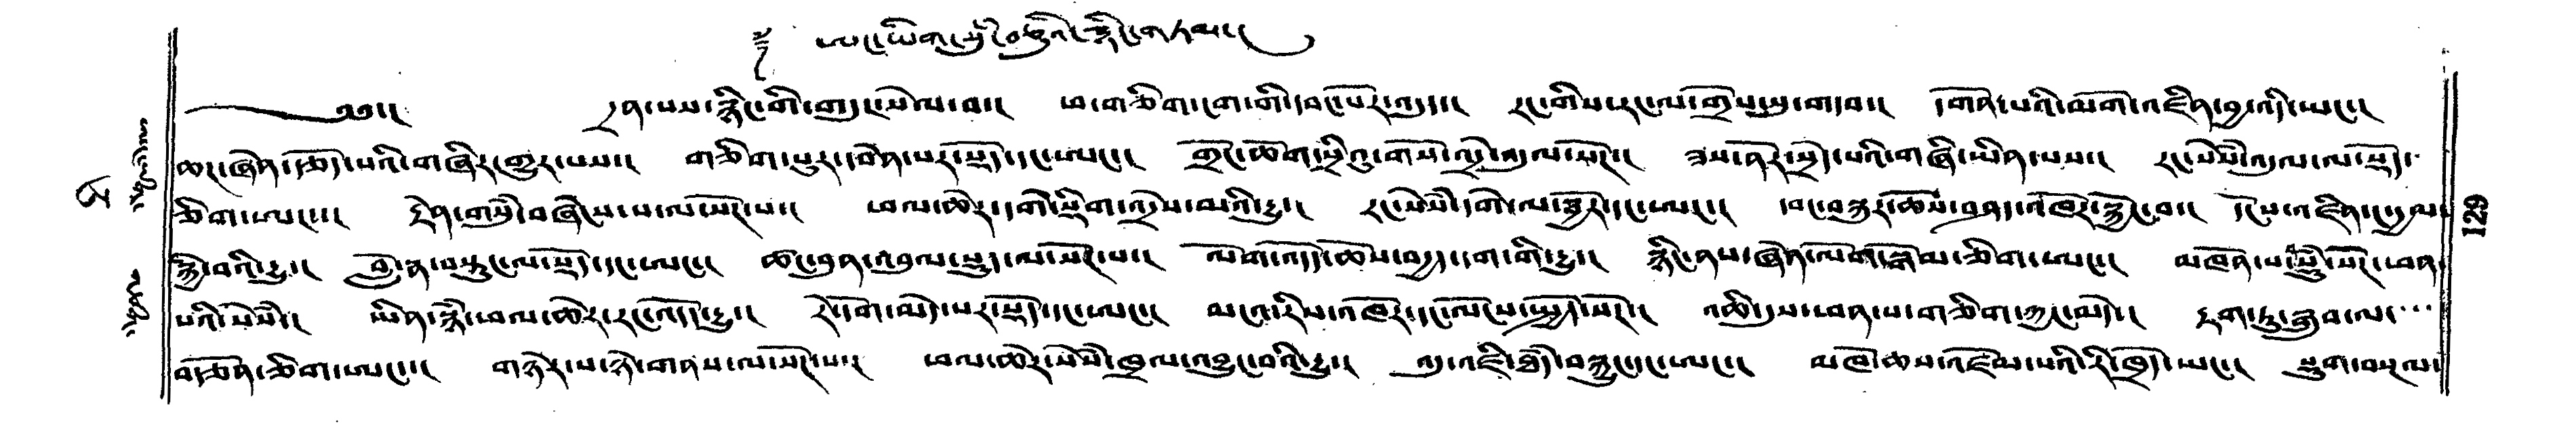༈ ཨང་ཡིག་སུམ་ཅུའི་སྙིང་གཏམ། དྲན་པས་སྙིང་གི་གདུང་སེལ་བ། །ཕ་གཅིག་ངག་གི་དབང་པོར་འདུད། །རང་གིས་རང་ལ་གྲོས་སུ་གདབ། །དགོན་པའི་མགོ་འཛིན་བྱ་འདི་ཡང་། །
ཆགས་ཞེན་རྩོད་པའི་གཞིར་གྱུར་པས། །གཅིག་པུར་དབེན་པར་སྡོད་དང་ཨང་། །གྲོང་ཆོག་སྲིའུ་གསོ་འདྲེ་འདུལ་སོགས། །ཟས་ནོར་སྲེད་པའི་གཞི་ཡིན་པས། །རང་སེམས་འདུལ་ལ་སྡོད་
ཅིག་ཨང་། །རྟེན་གསུམ་བཞེངས་པ་ལ་སོགས་པ། །ཕལ་ཆེར་དགེ་སྡིག་འདྲེས་མའི་རྒྱུ། །རང་སེམས་དགེ་ལ་སྦྱོར་དང་ཨང་། །དབང་སྐུར་ཆོས་བཤད་འཁོར་སྐྱོང་བ། དངོས་འཛིན་ང་རྒྱལ་
སྐྱེ་བའི་རྒྱུ། །བློ་སྣ་སྟུང་ལ་སྡོད་དང་ཨང་། །ཚོང་བུན་འབུལ་སྡུད་ལ་སོགས་པ། །ལོག་འདོད་ཆོས་བརྒྱད་དག་གི་རྒྱུ། །སྙིང་ནས་ཞེན་ལོག་སྒོམ་ཅིག་ཨང་། །མཁོན་པ་བསྡུམ་སོགས་ཕན་
པའི་སེམས། །ཡིན་སྙམ་ཕལ་ཆེར་རང་འདོད་རྒྱུ། །རེ་དོགས་མེད་པར་སྡོད་དང་ཨང་། །མངའ་རིས་འཁོར་དང་ལོངས་སྤྱོད་སོགས། །འཆི་དུས་ཕན་པ་གཅིག་ཀྱང་མེད། །རྟག་ཏུ་སྒྲུབ་ལ་
བརྩོན་ཅིག་ཨང་། །གཉེར་པ་ཉེ་གནས་ལ་སོགས་པ། །ཕལ་ཆེར་སེམས་ཁྲལ་འབྱུང་བའི་རྒྱུ། །འདུ་འཛི་ཐམས་ཅད་སྐྱུངས་དང་ཨང་། །མཁོ་ཆས་འཛོམས་པའི་རི་ཁྲོད་ཡང་། །སྡུག་བསྔལ་